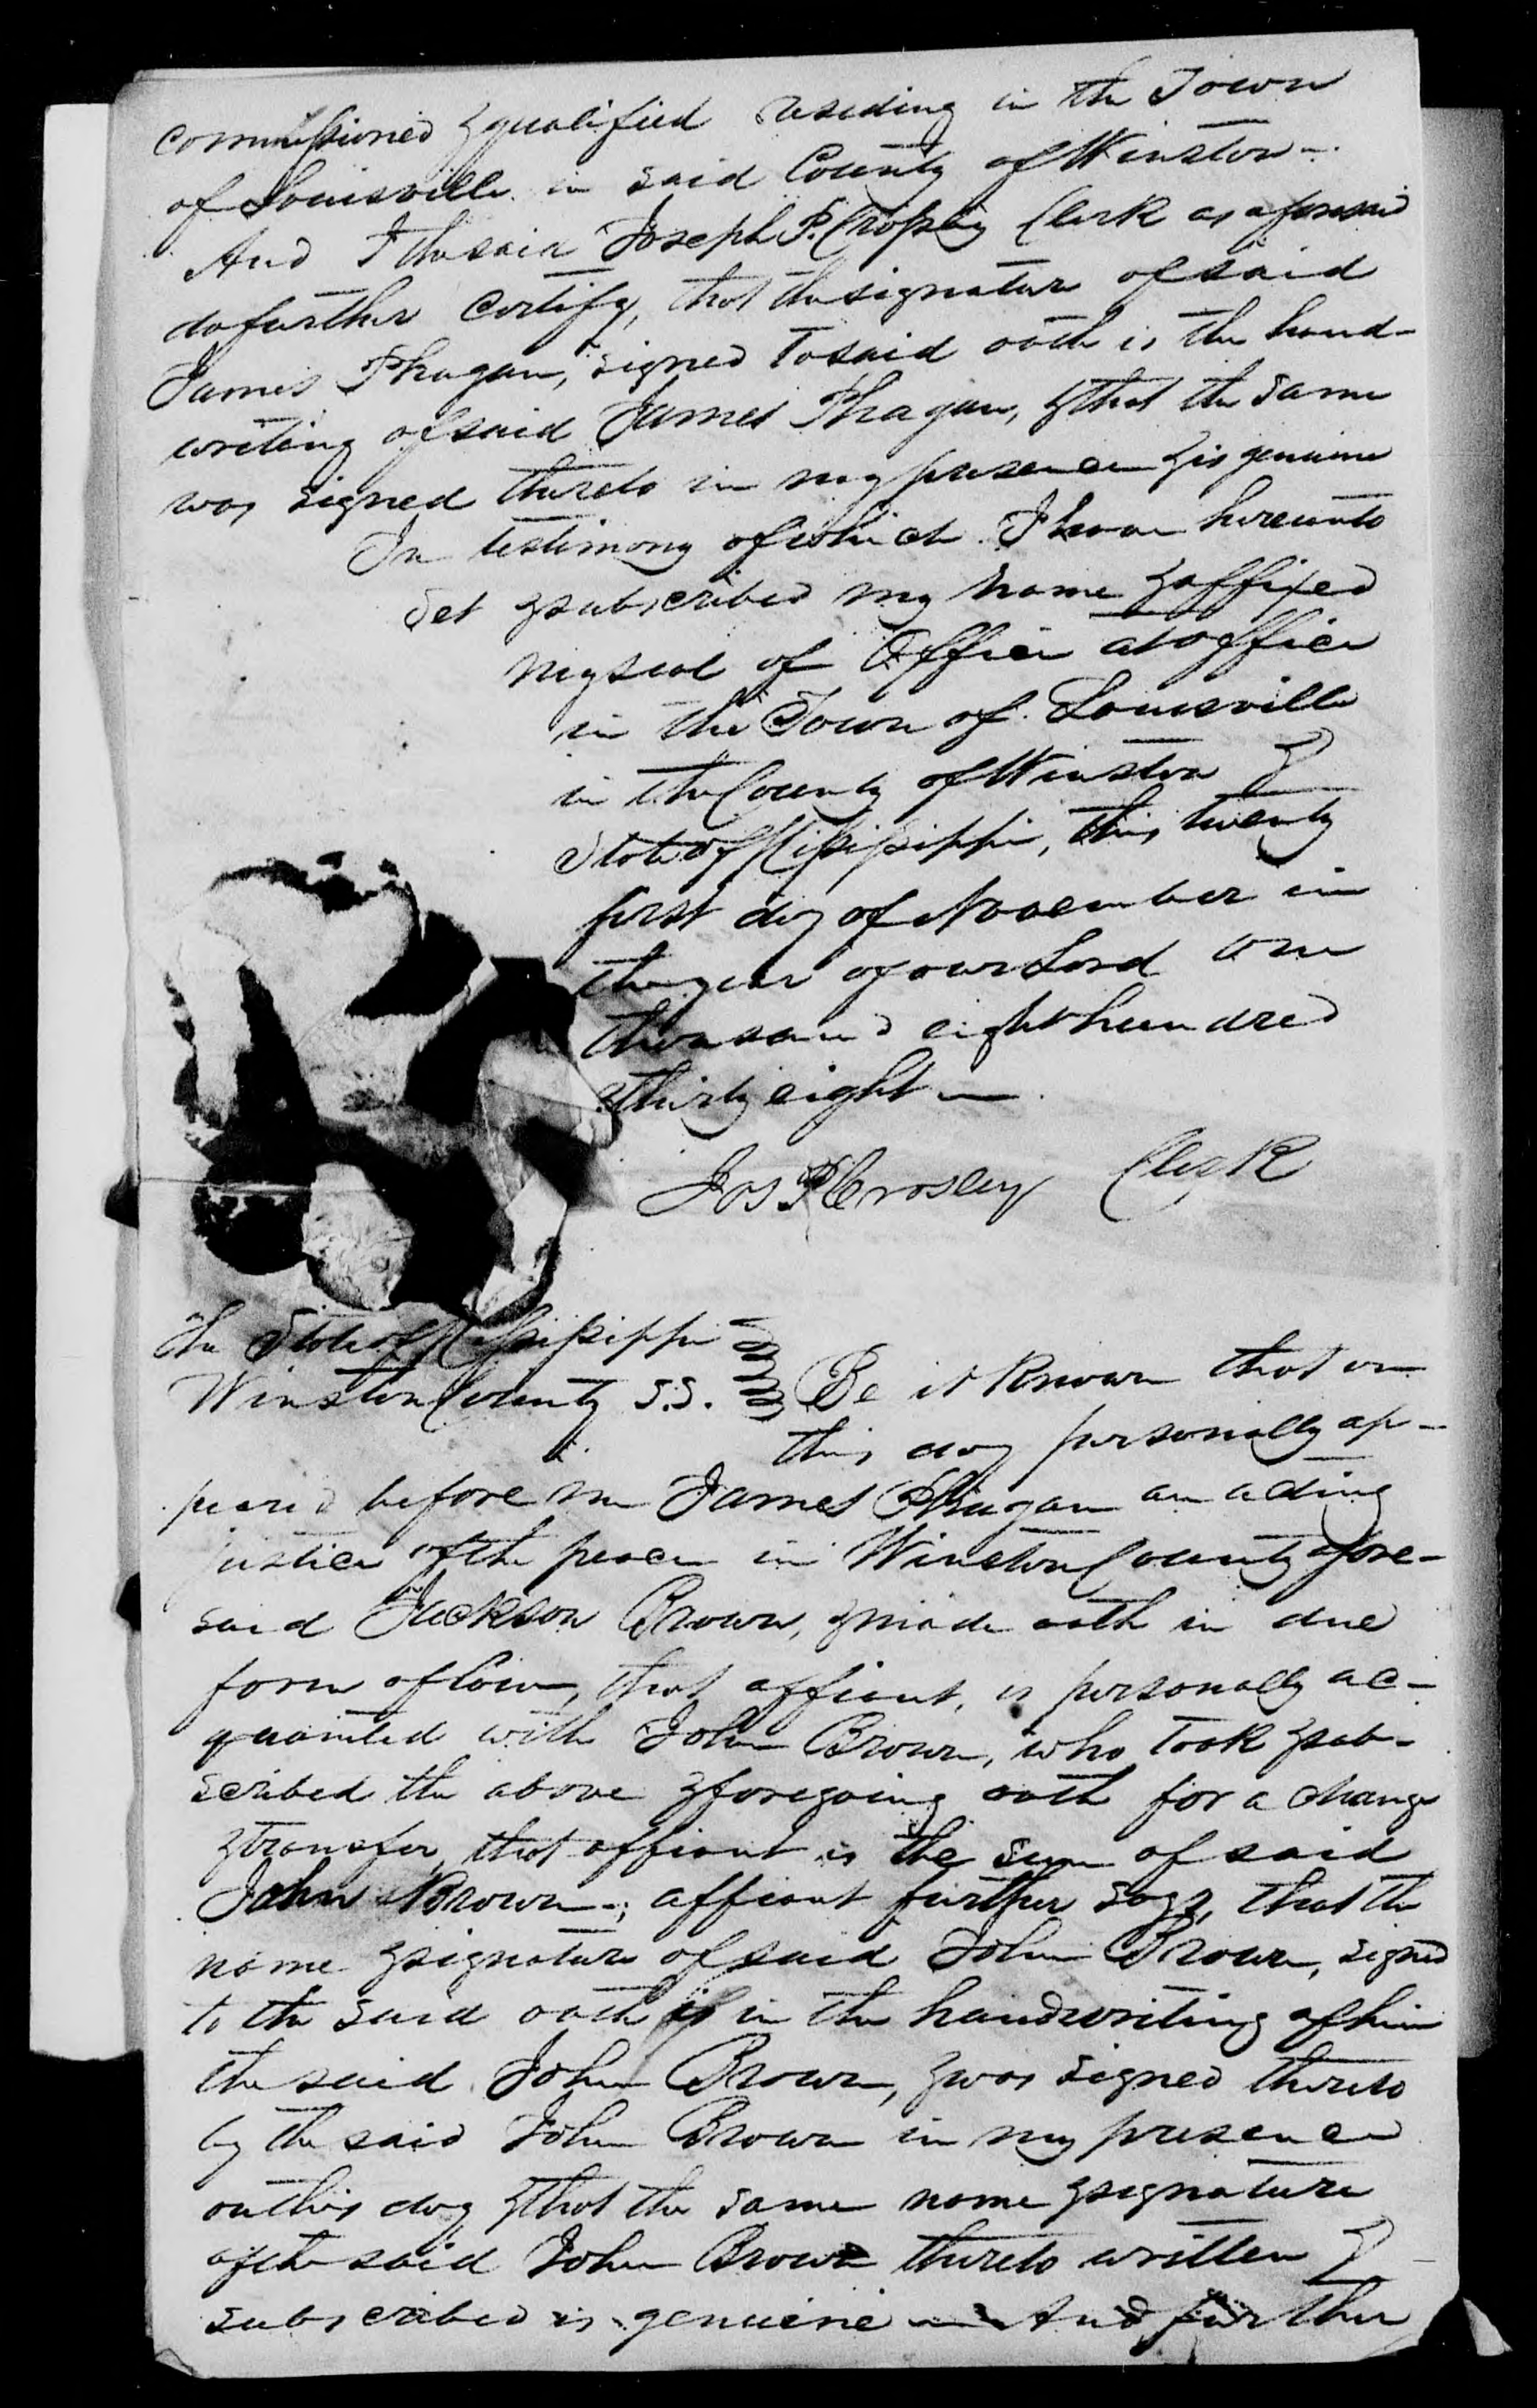commissioned & qualified residing in the Town
of Louisville in said County of Winston.
And the said Joseph P. Crosley Clerk as aforesaid
do further certify, that the signature of said
James Phagan, signed to said oath is the handwriting of said James Phagan, & that the same
was signed thereto in my presence & is genuine
In testimony of which I have hereunto
set & subscribed my name & affixed
my seal of Office as officer
in the Town of Louisville
in the County of Winston &
State of Mississippi, this twenty
first day of November in
the year of our Lord one
thousand eight hundred
& thirty eight.
Jos P Crosley
Clerk

The State of Mississippi
Winston County S.S. 
Be it known that on
this day personally
appeared before me James Phagan an acting
Justice of the peace in Winston County
aforesaid Jackson Brown, & made oath in due
form of law, that affiant is personally acquainted with John Brown, who took &
subscribed the above & foregoing oath for a change
& transfer, that affiant is the son of said
John Brown; affiant further says, that the
name & signature of said John Brown, signed
to the said oath is in the handwriting of him
the said John Brown, & was signed thereto
by the said John Brown in my presence
on this day & that the same name & signature
of the said John Brown thereto written &
subscribed is genuine. And further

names: John Brown, James Phagan, James Phagan, John Brown, John Brown, James Phagan, Jos P Crosley, John Brown, Jackson Brown, John Brown, Joseph Crossley, John Brown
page: 21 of 85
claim: widow's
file: W. 5,906, John Brown, S.C.